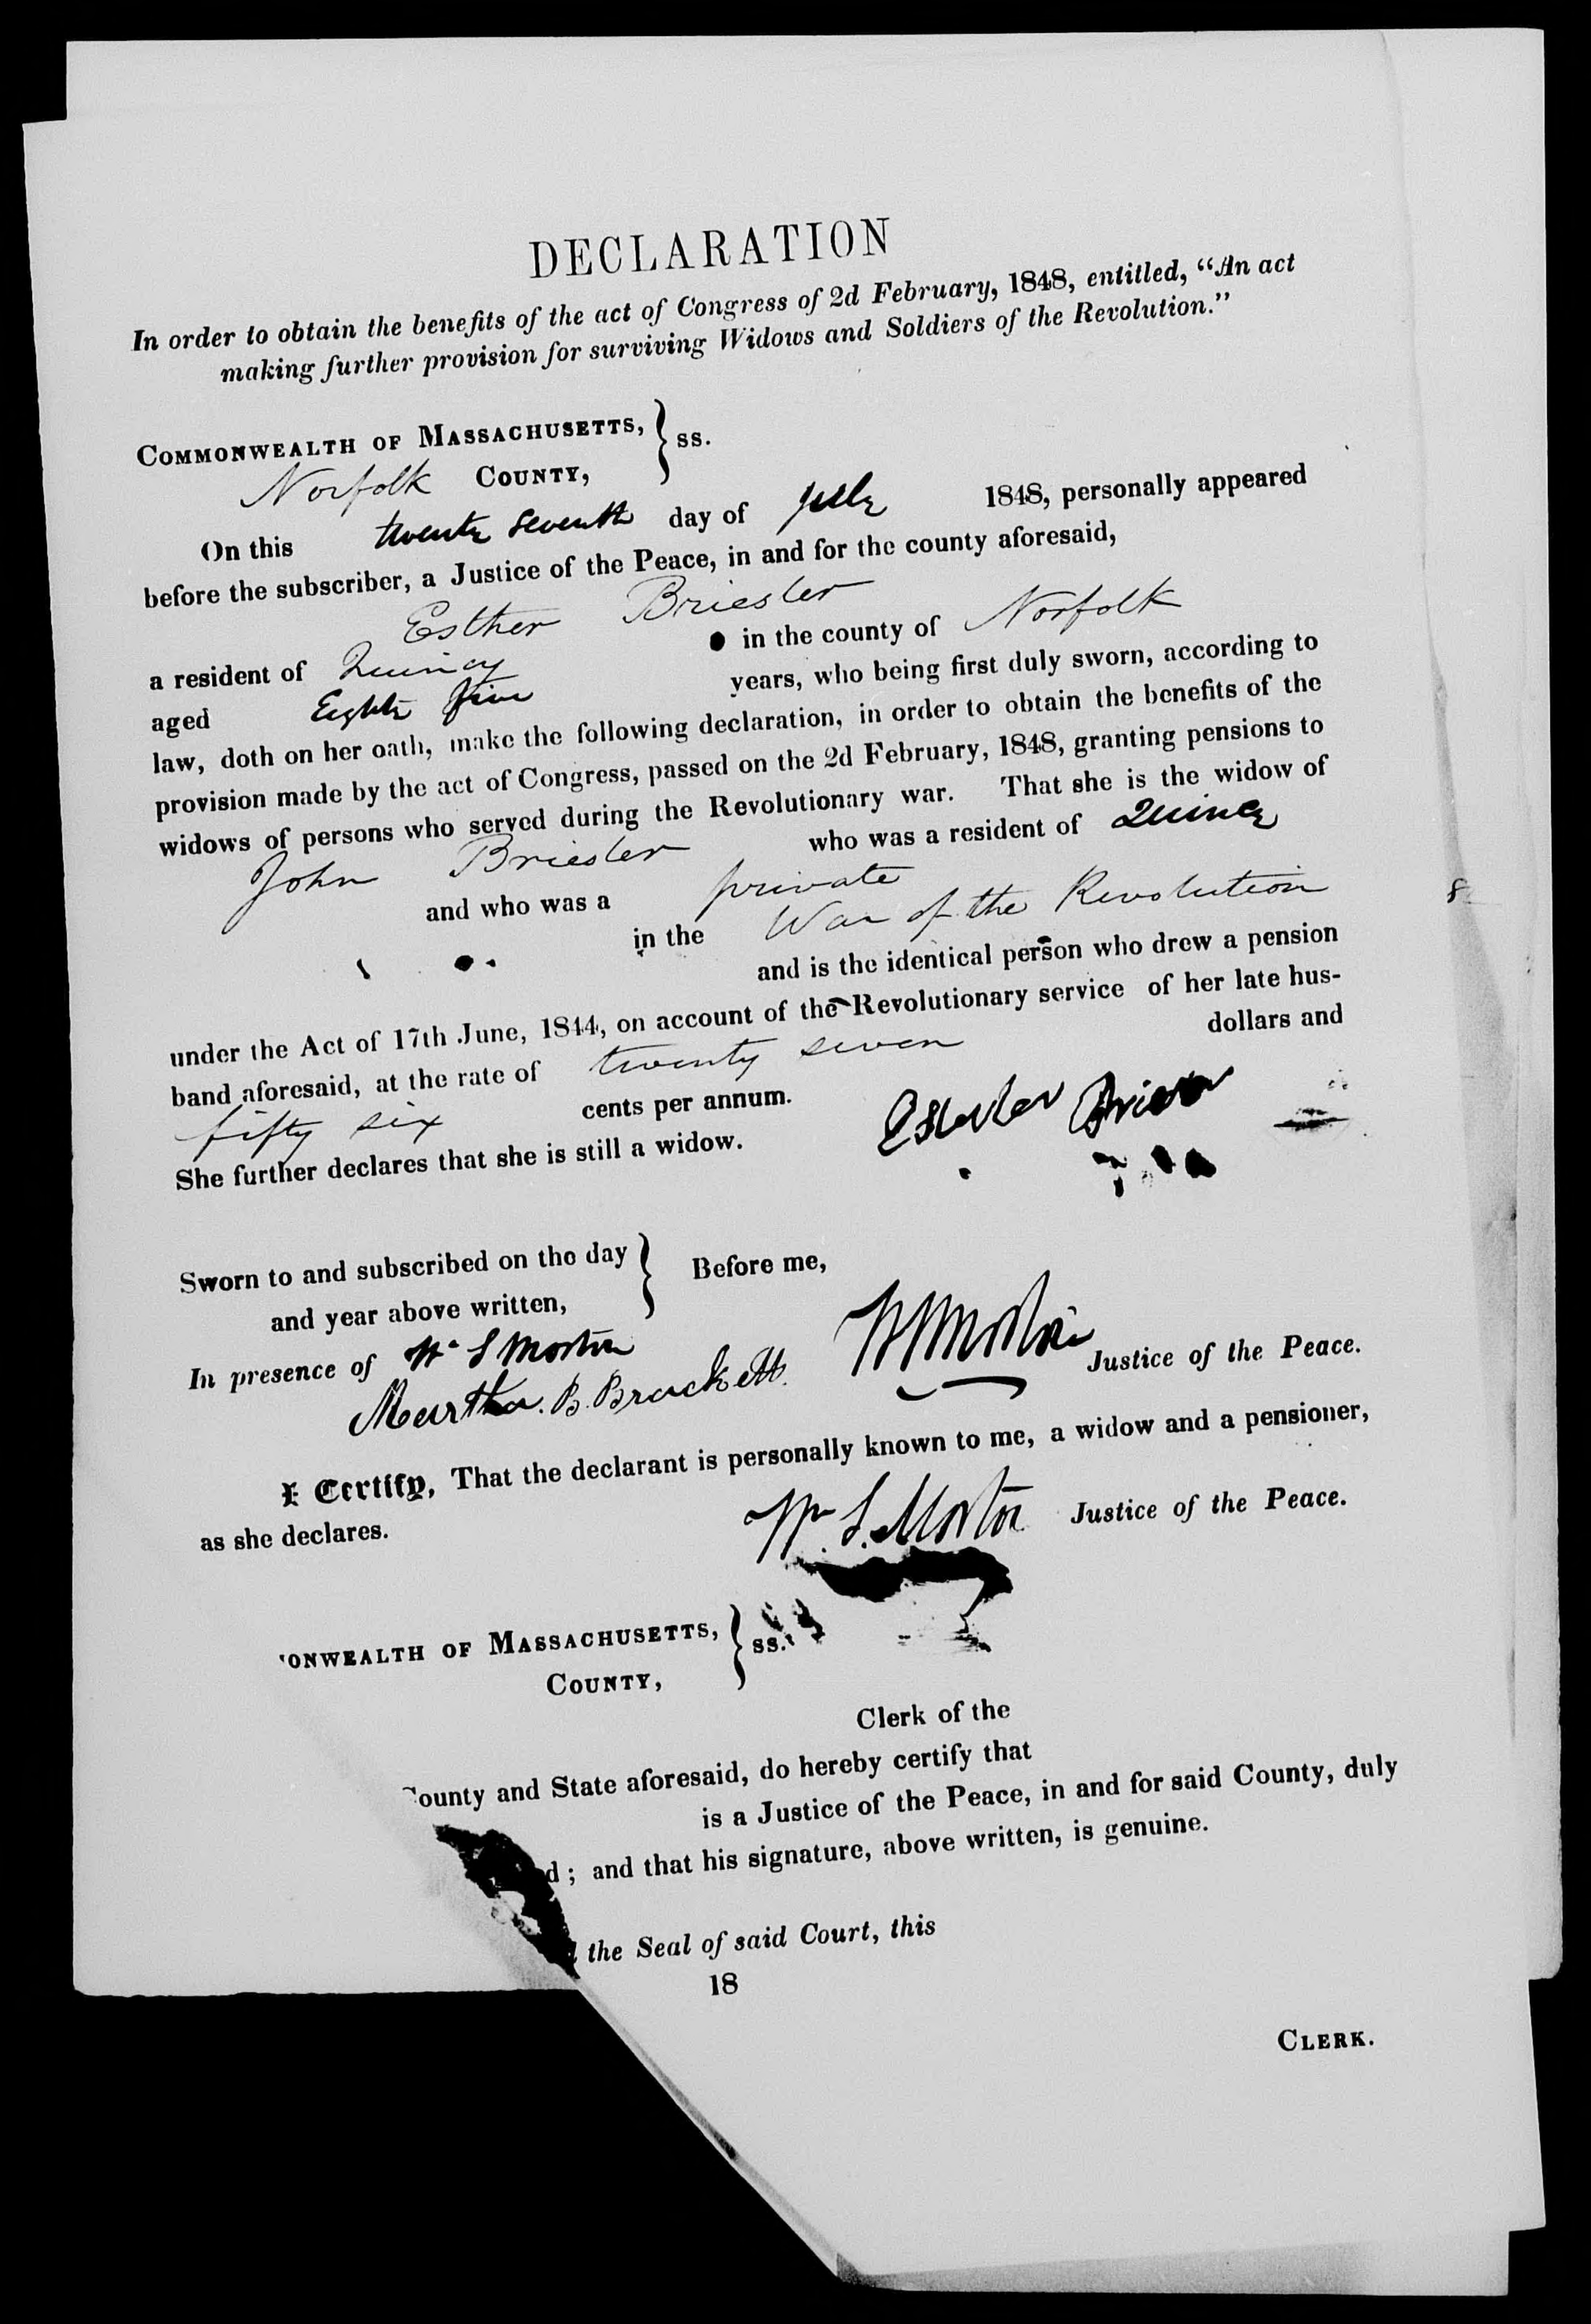DECLARATION
In order to obtain the benefits of the act of Congress of 2d February, 1848, entitled, "An act making further provision for surviving Widows and Soldiers of the Revolution.
COMMONWEALTH OF MASSACHUSETTS, SS.
Norfolk County,
On this
twenty seventh day of July
1848, personally appeared
before the subscriber, a Justice of the Peace, in and for the county aforesaid,
Esther
Briesler
a resident of Quincy
in the county of Norfolk
aged
Eighty five
years, who being first duly sworn, according to
law, doth on her oath, make the following declaration, in order to obtain the benefits of the
provision made by the act of Congress, passed on the 2d February, 1848, granting pensions to
widows of persons who served during the Revolutionary war.
That she is the widow of
John
Briesler
who was a resident of Quincy
and who was a
private
in the
War of the Revolution
and is the identical person who drew a pension
under the Act of 17th June, 1844, on account of the Revolutionary service of her late husband aforesaid at at the rate of
twenty seven dollars and fifty six
cents per annum.
She further declares that she is still a widow.
Esther Briesler 
Sworn to and subscribed on the day
Before me,
and year above written, } before me 
In presence of
W S Morton 
Martha B. Brackett  [illegible] Justice of the Peace 

I Certify, That the declarant is personally known to me, a widow and a pensioner as she declares. Wm S Morton, Justice of the Peace
as she declares.
ONWEALTH OF MASSACHUSETTS, }
County, 
Clerk of the
aforesaid, do hereby certify that
is a Justice of the Peace, in and for said County, duly
and that his signature, above written, is genuine.
the Seal of said Court, this
18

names: John Briesler, Esther Brier, W S Morton, W S Morton, W S Morton, Esther Briesler, Martha B Brackett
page: 43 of 46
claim: widow's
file: W. 23,673, John Brisler, Mass.